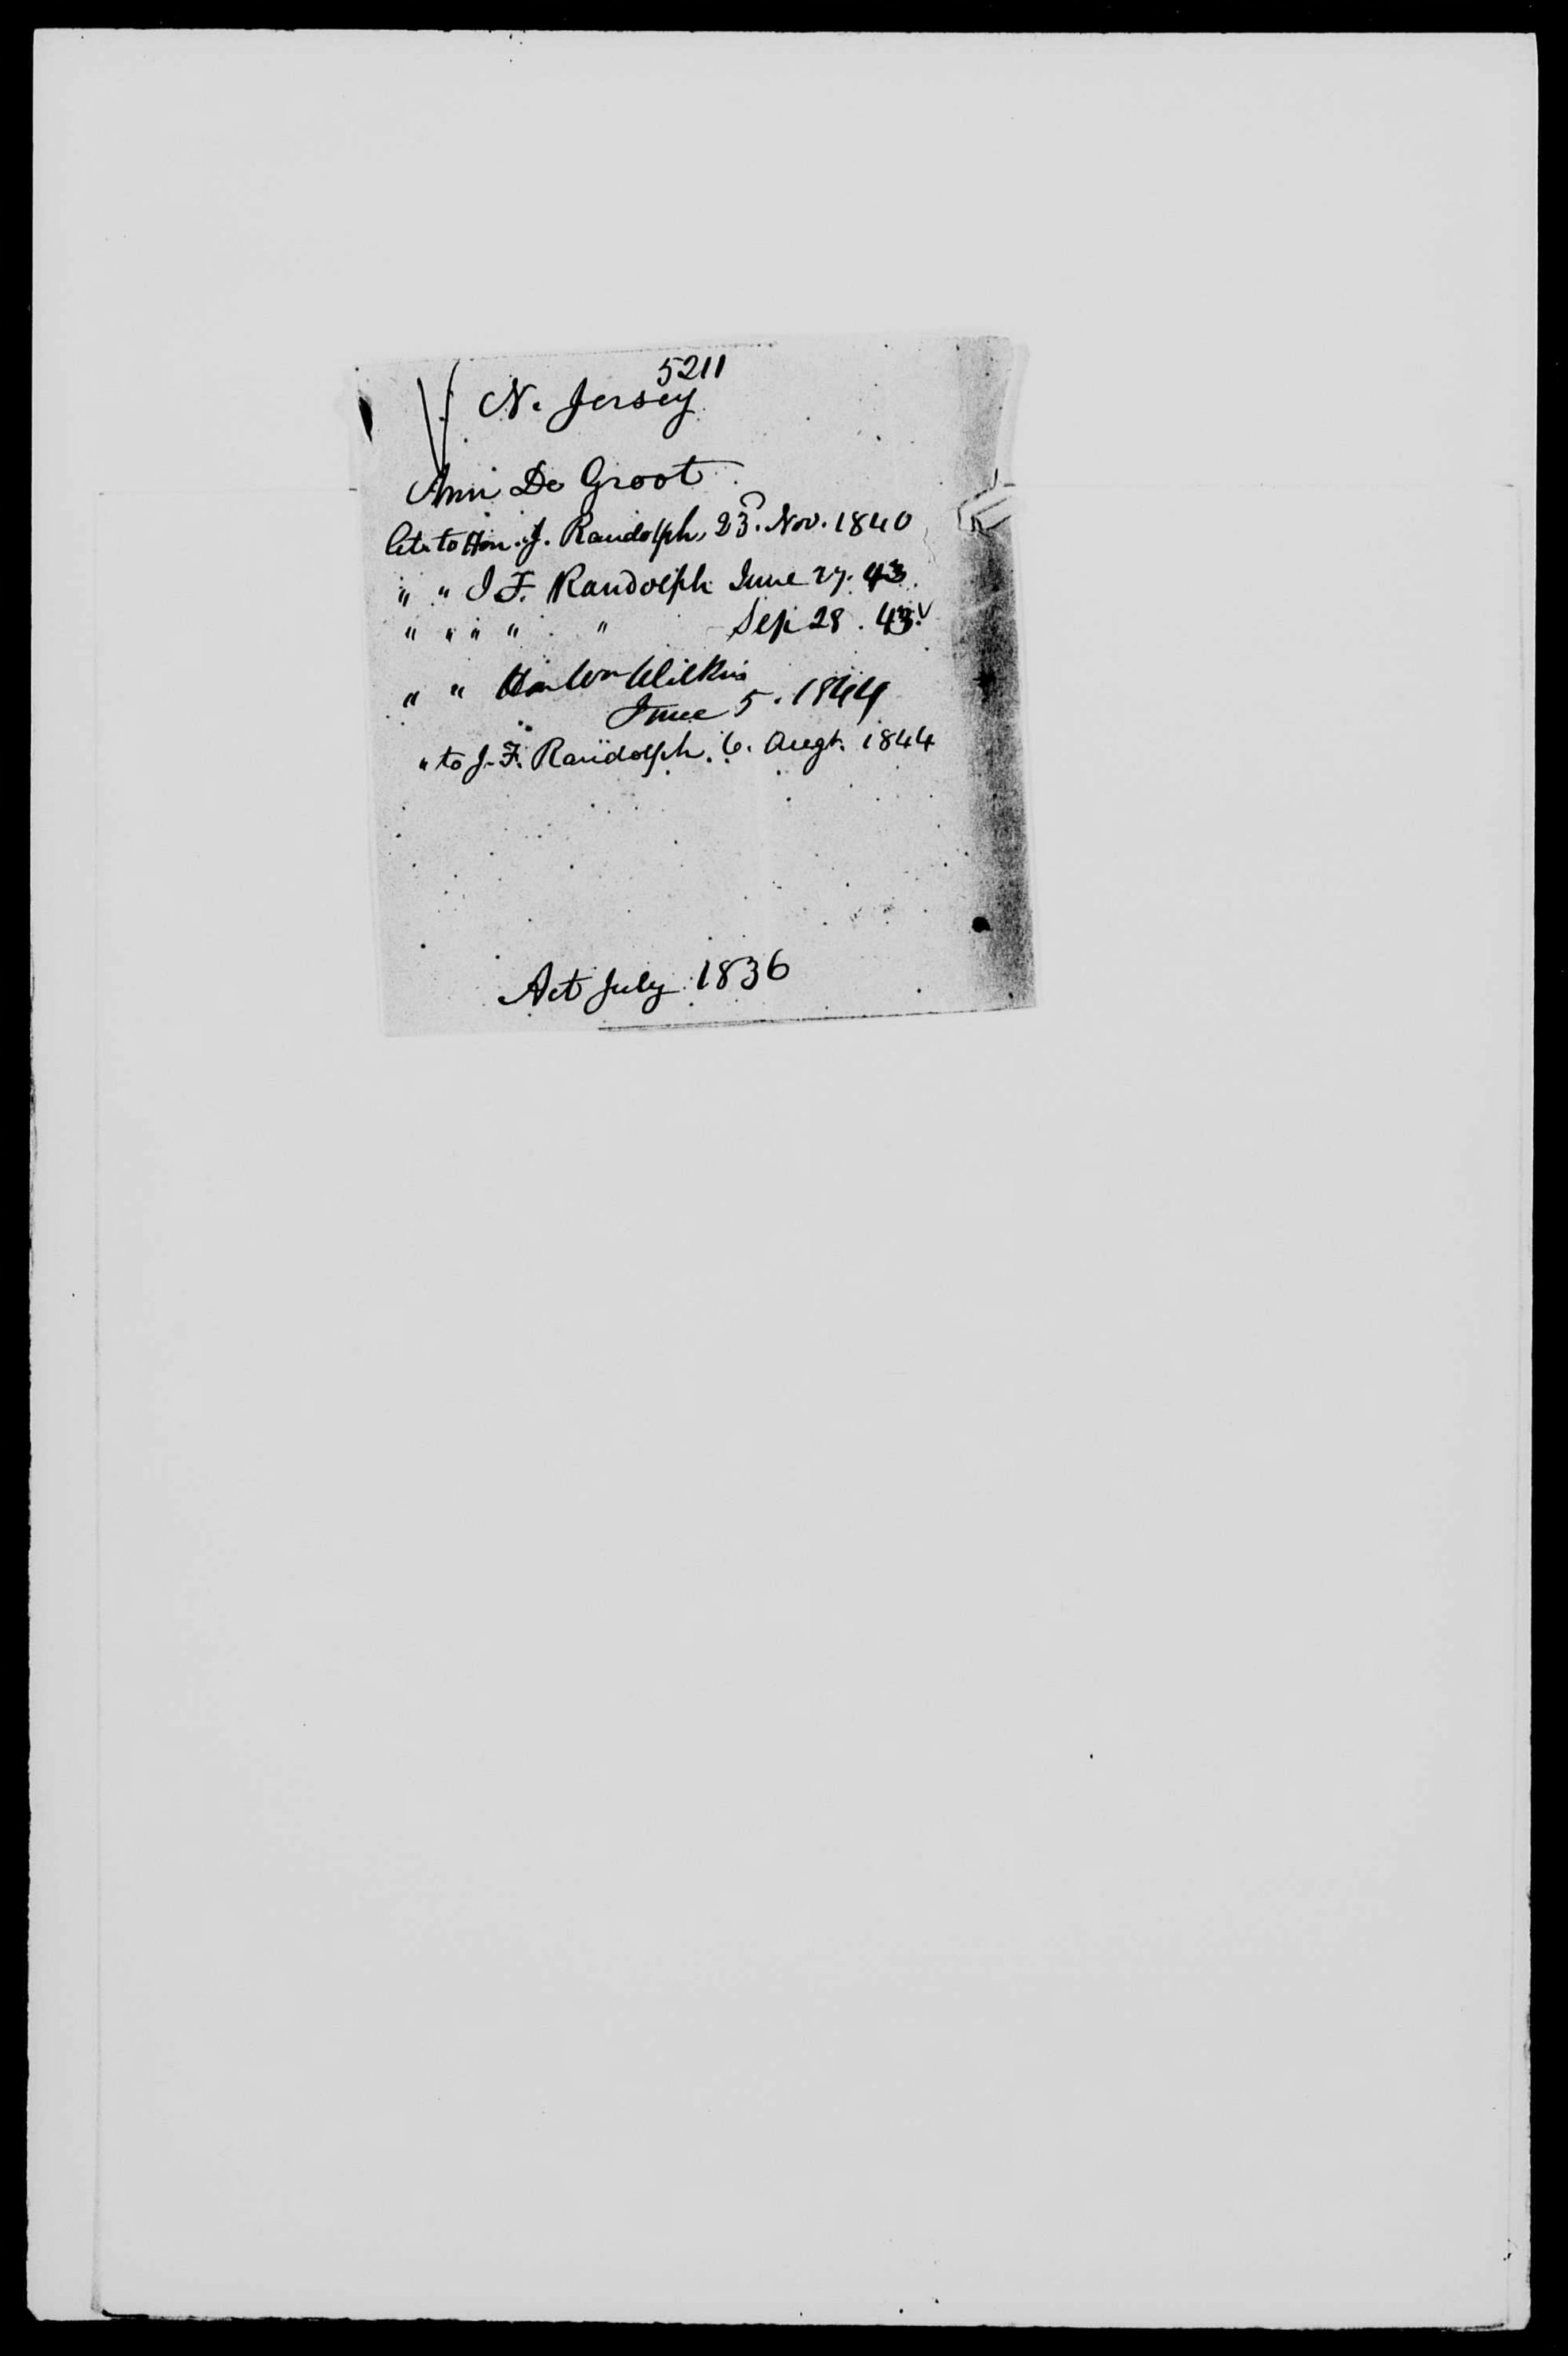5211
N. Jersey

Ann De Groot
letr. to J. Randolph, 23d Nov. 1840
  "     " J F. Randolph June 27.43
  "     "      "        "      Sep 28. 43.
  "     "  Harley Wilkins June 5, 1844
  "   to J. F. Randolph 6. Aug 1844


Act July 1836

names: Wm Wilkin, J F Randolph, J F Randolph, J Randolph, Ann De Groot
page: 60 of 77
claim: widow's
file: W. 417, William De Groot, New Jersey